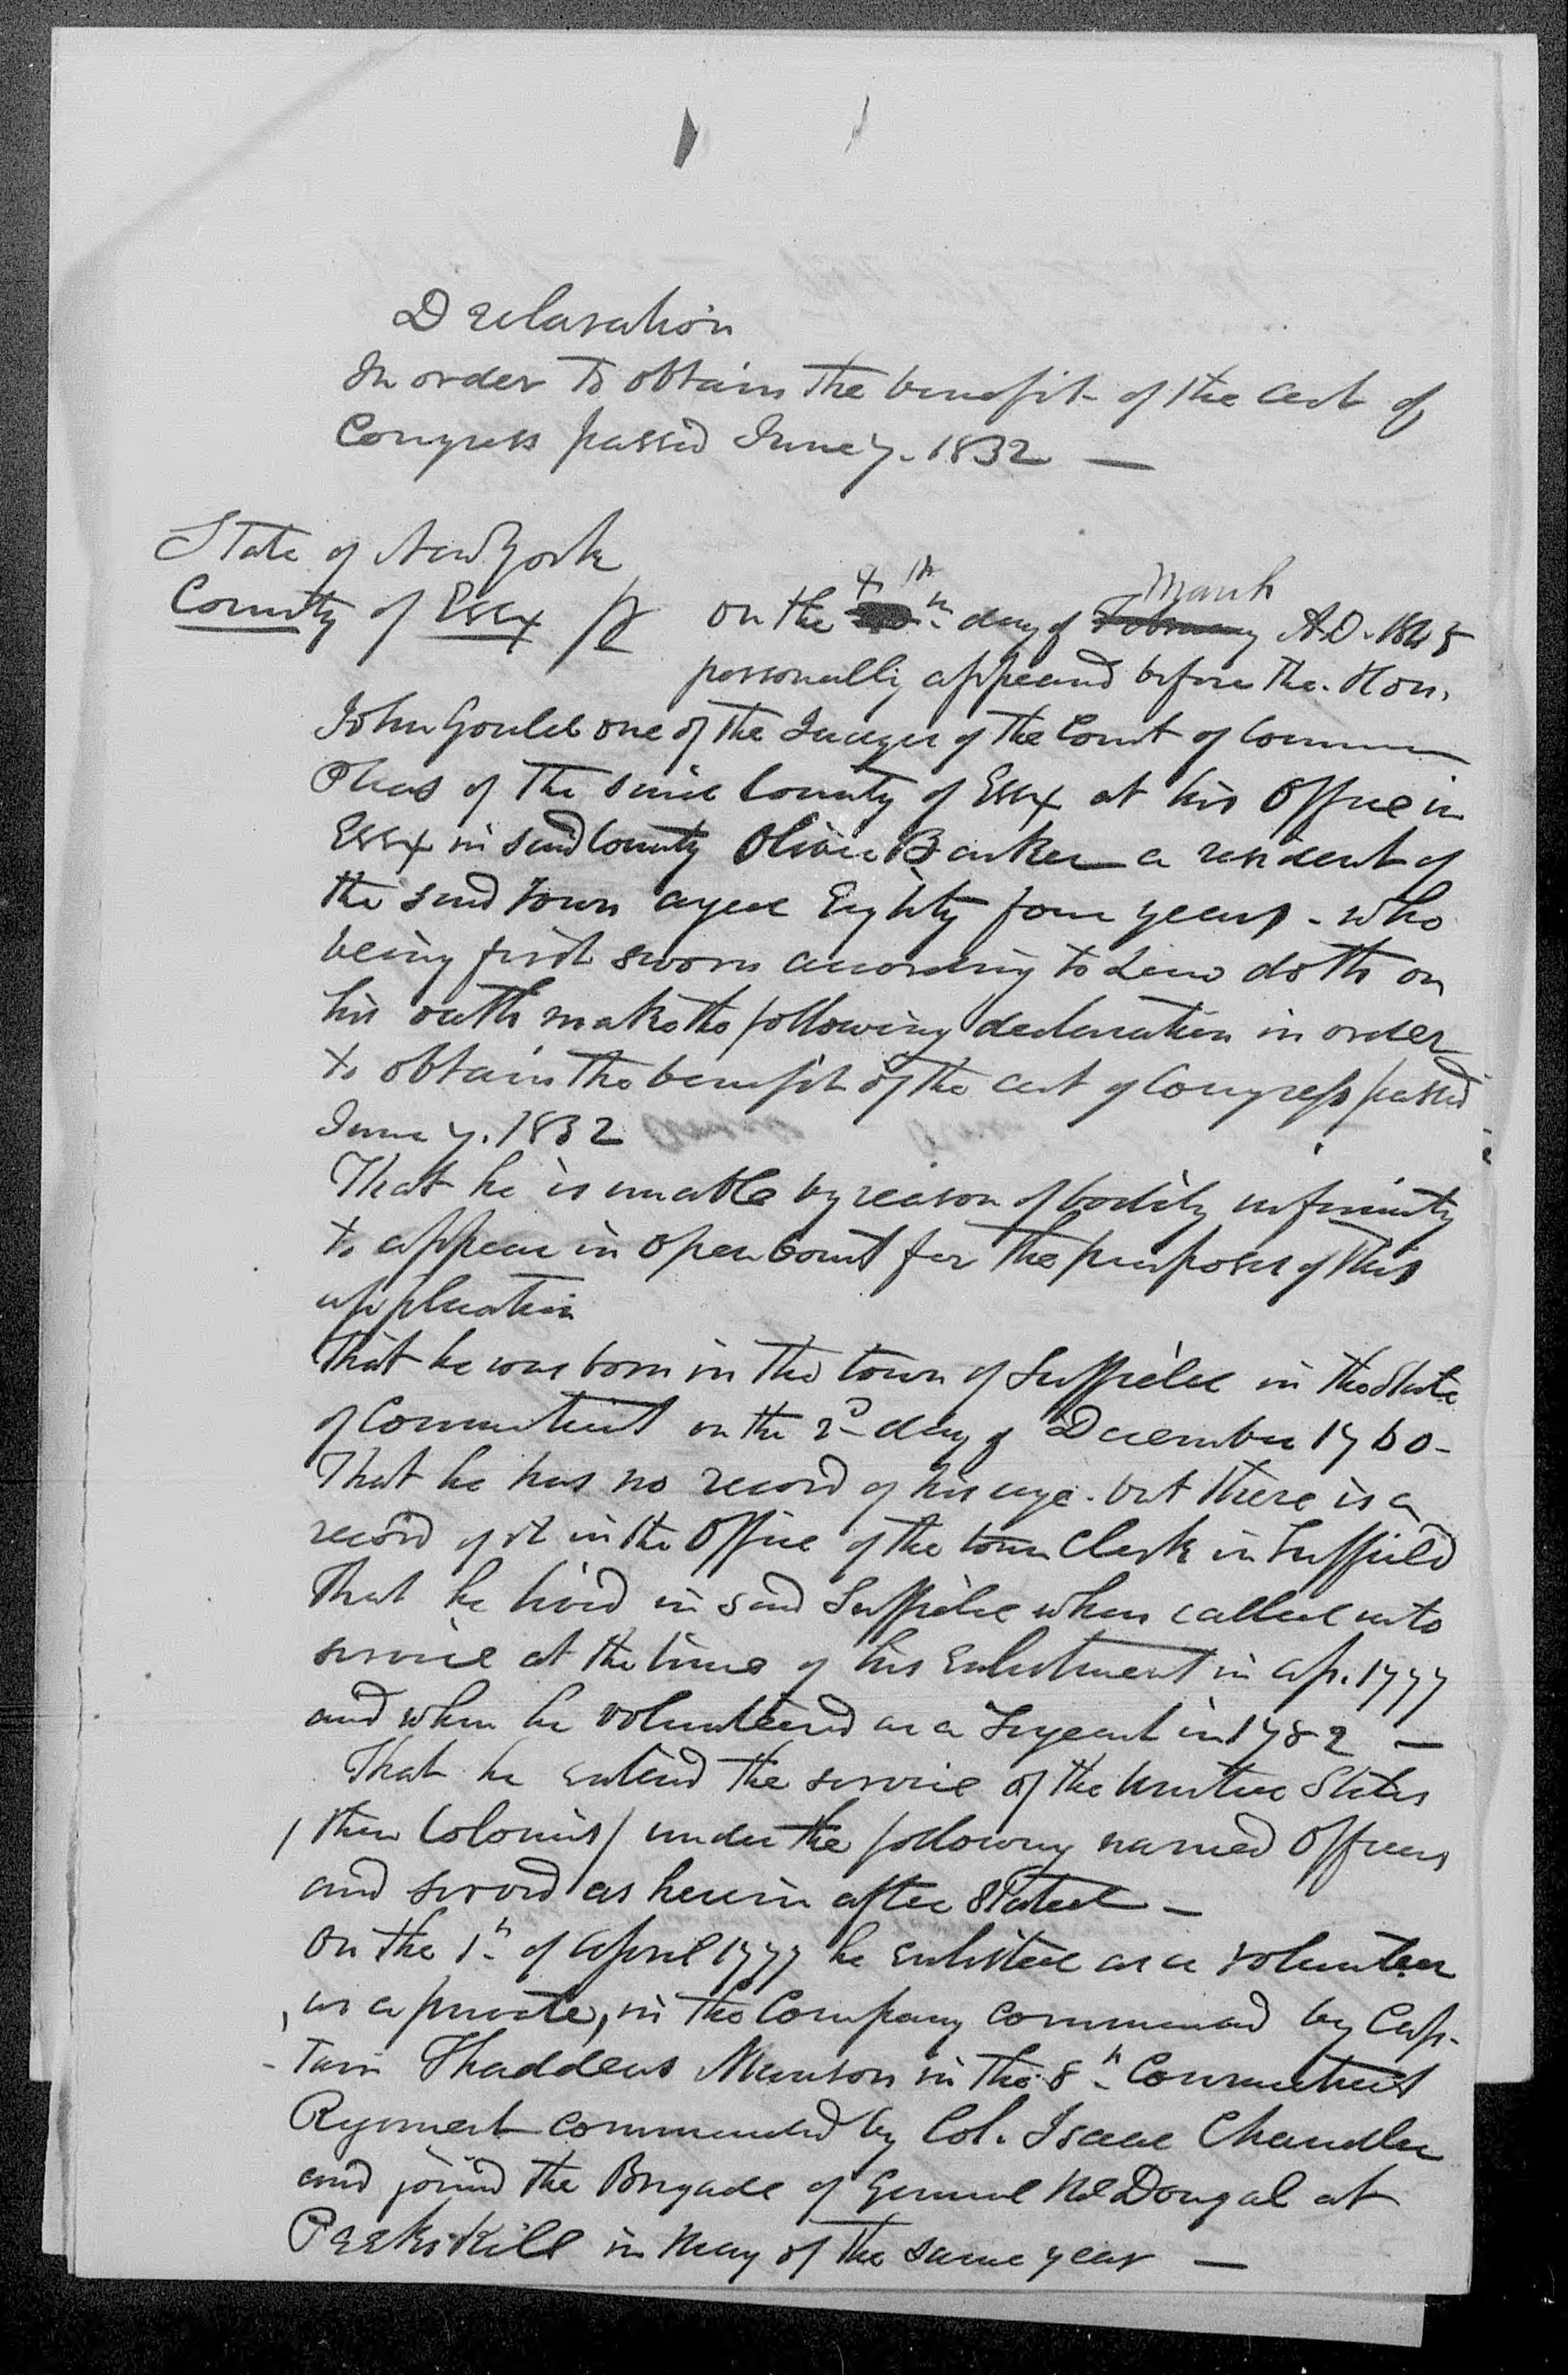Declaration in order to obtain the benefit of the act of Congress passed June 7, 1832--

State of New York County of Essex ss:

On the 8th day of March AD. 1845 personally appeared before the Hon. John Gould one of the judges of the Court of Common Pleas of the said county of Essex at his office in Essex in said county Oliver Barker a resident of the said town aged eighty four years - who being first sworn according to law doth on his oath make the following declaration in order to obtain the benefit of the act of Congress passed June 7, 1832.
That he is unable by reason of bodily infirmity to appear in open court for the purpose of this application
That he was born in the town of Suffield Connecticut on the 2d day of December 1760 - That he has no record of his age, but there is a record of it in the office of the town clerk in Suffield That he lived in said Suffield when called into service at the time of his enlistment in April 1777 and when he volunteered as a sergeant in 1782.
That he entered the service of the United States ( then colonies) under the following named officers and served as herein after stated - on the 1st of April 1777 he enlisted as a volunteer as a private, in the company commanded by Captain Thaddeus Munson in the 8th Connecticut regiment commanded by Col. Isaac Chandler and joined the brigade of General McDougal at Peekskill in May of the same year -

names: Isaac Chandler, Oliver Barker, John Gould, Thaddeus Munson, Mc Dougal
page: 6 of 51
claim: widow's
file: W. 1698, Oliver Barker, Conn.